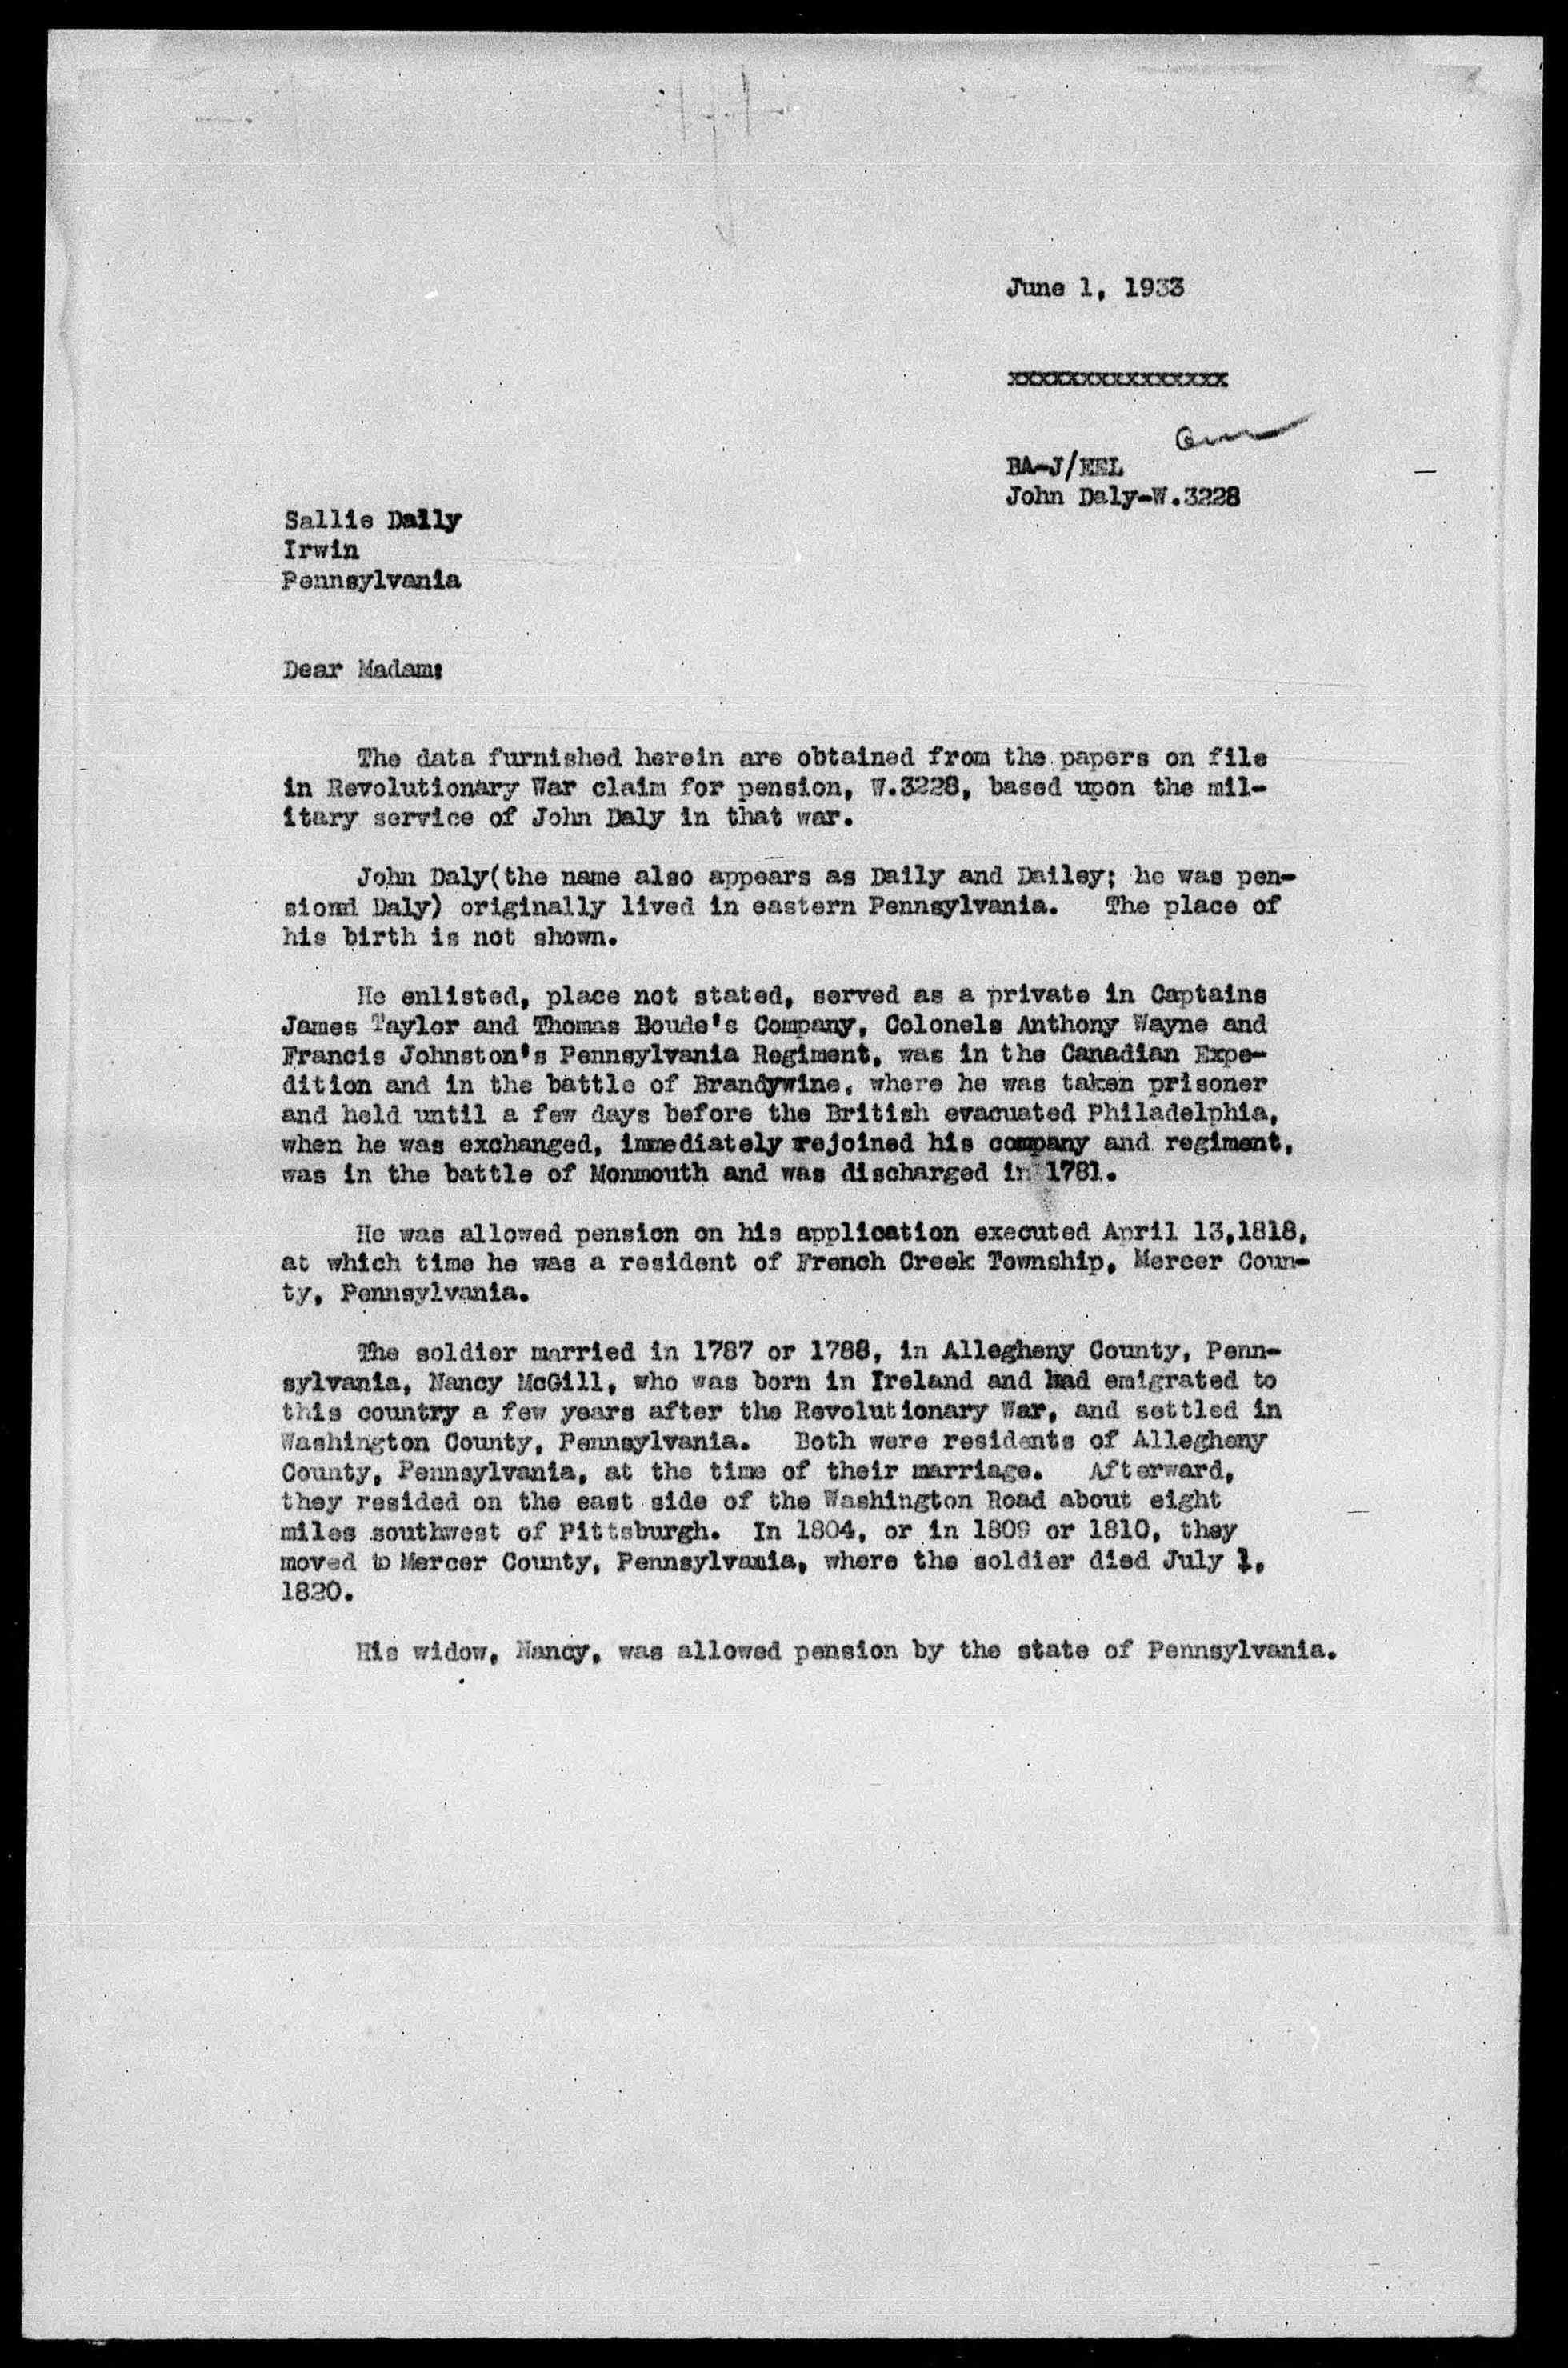June 1, 1933

XXXXXXXXXXX

BA-J/XEL
John Daly-W.3228

Sallie Daily
Irwin
Pennsylvania

Dear Madam:

The data furnished herein are obtained from the papers on file in Revolutionary War claim for pension, W.3228, based upon the military
service of John Daly in that war.
John Daly (the name also appears as Daily and Dailey; he was pensioned Daly) originally lived in eastern Pennsylvania. The place of his birth is not shown.
He enlisted, place not stated, served as a private in Captains James Taylor and Thomas Boude's Company, Colonels Anthony Wayne andFrancis Johnston's Pennsylvania Regiment, was in the Canadian Expedition and in the battle of Brandywine, where he was taken prisoner and held until a few days before the British evacuated Philadelphia, when he was exchanged, immediately rejoined his company and regiment, was in the battle of Monmouth and was discharged in 1781.
He was allowed pension on his application executed April 13, 1818, at which time he was a resident of French Creek Township, Mercer County, Pennsylvania.
The soldier married in 1787 or 1788, in Allegheny County, Pennsylvania, Nancy McGill, who was born in Ireland and had emigrated to
this country a few years after the Revolutionary War, and settled in Washington County, Pennsylvania. Both were residents of Allegheny
County, Pennsylvania, at the time of their marriage. Afterward, they resided on the east side of the Washington Road about eight
miles southwest of Pittsburgh. In 1804, or in 1809 or 1810, they moved to Mercer County, Pennsylvania, where the soldier died July 1,
1820.
His widow, Nancy, was allowed pension by the state of Pennsylvania.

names: John Daly, Dailey, Nancy Mc Gill, John Daly, John Daly, Dailey, Sallie Daily, Nancy, Daly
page: 16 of 63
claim: widow's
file: W. 3228, John Daly, Penn.